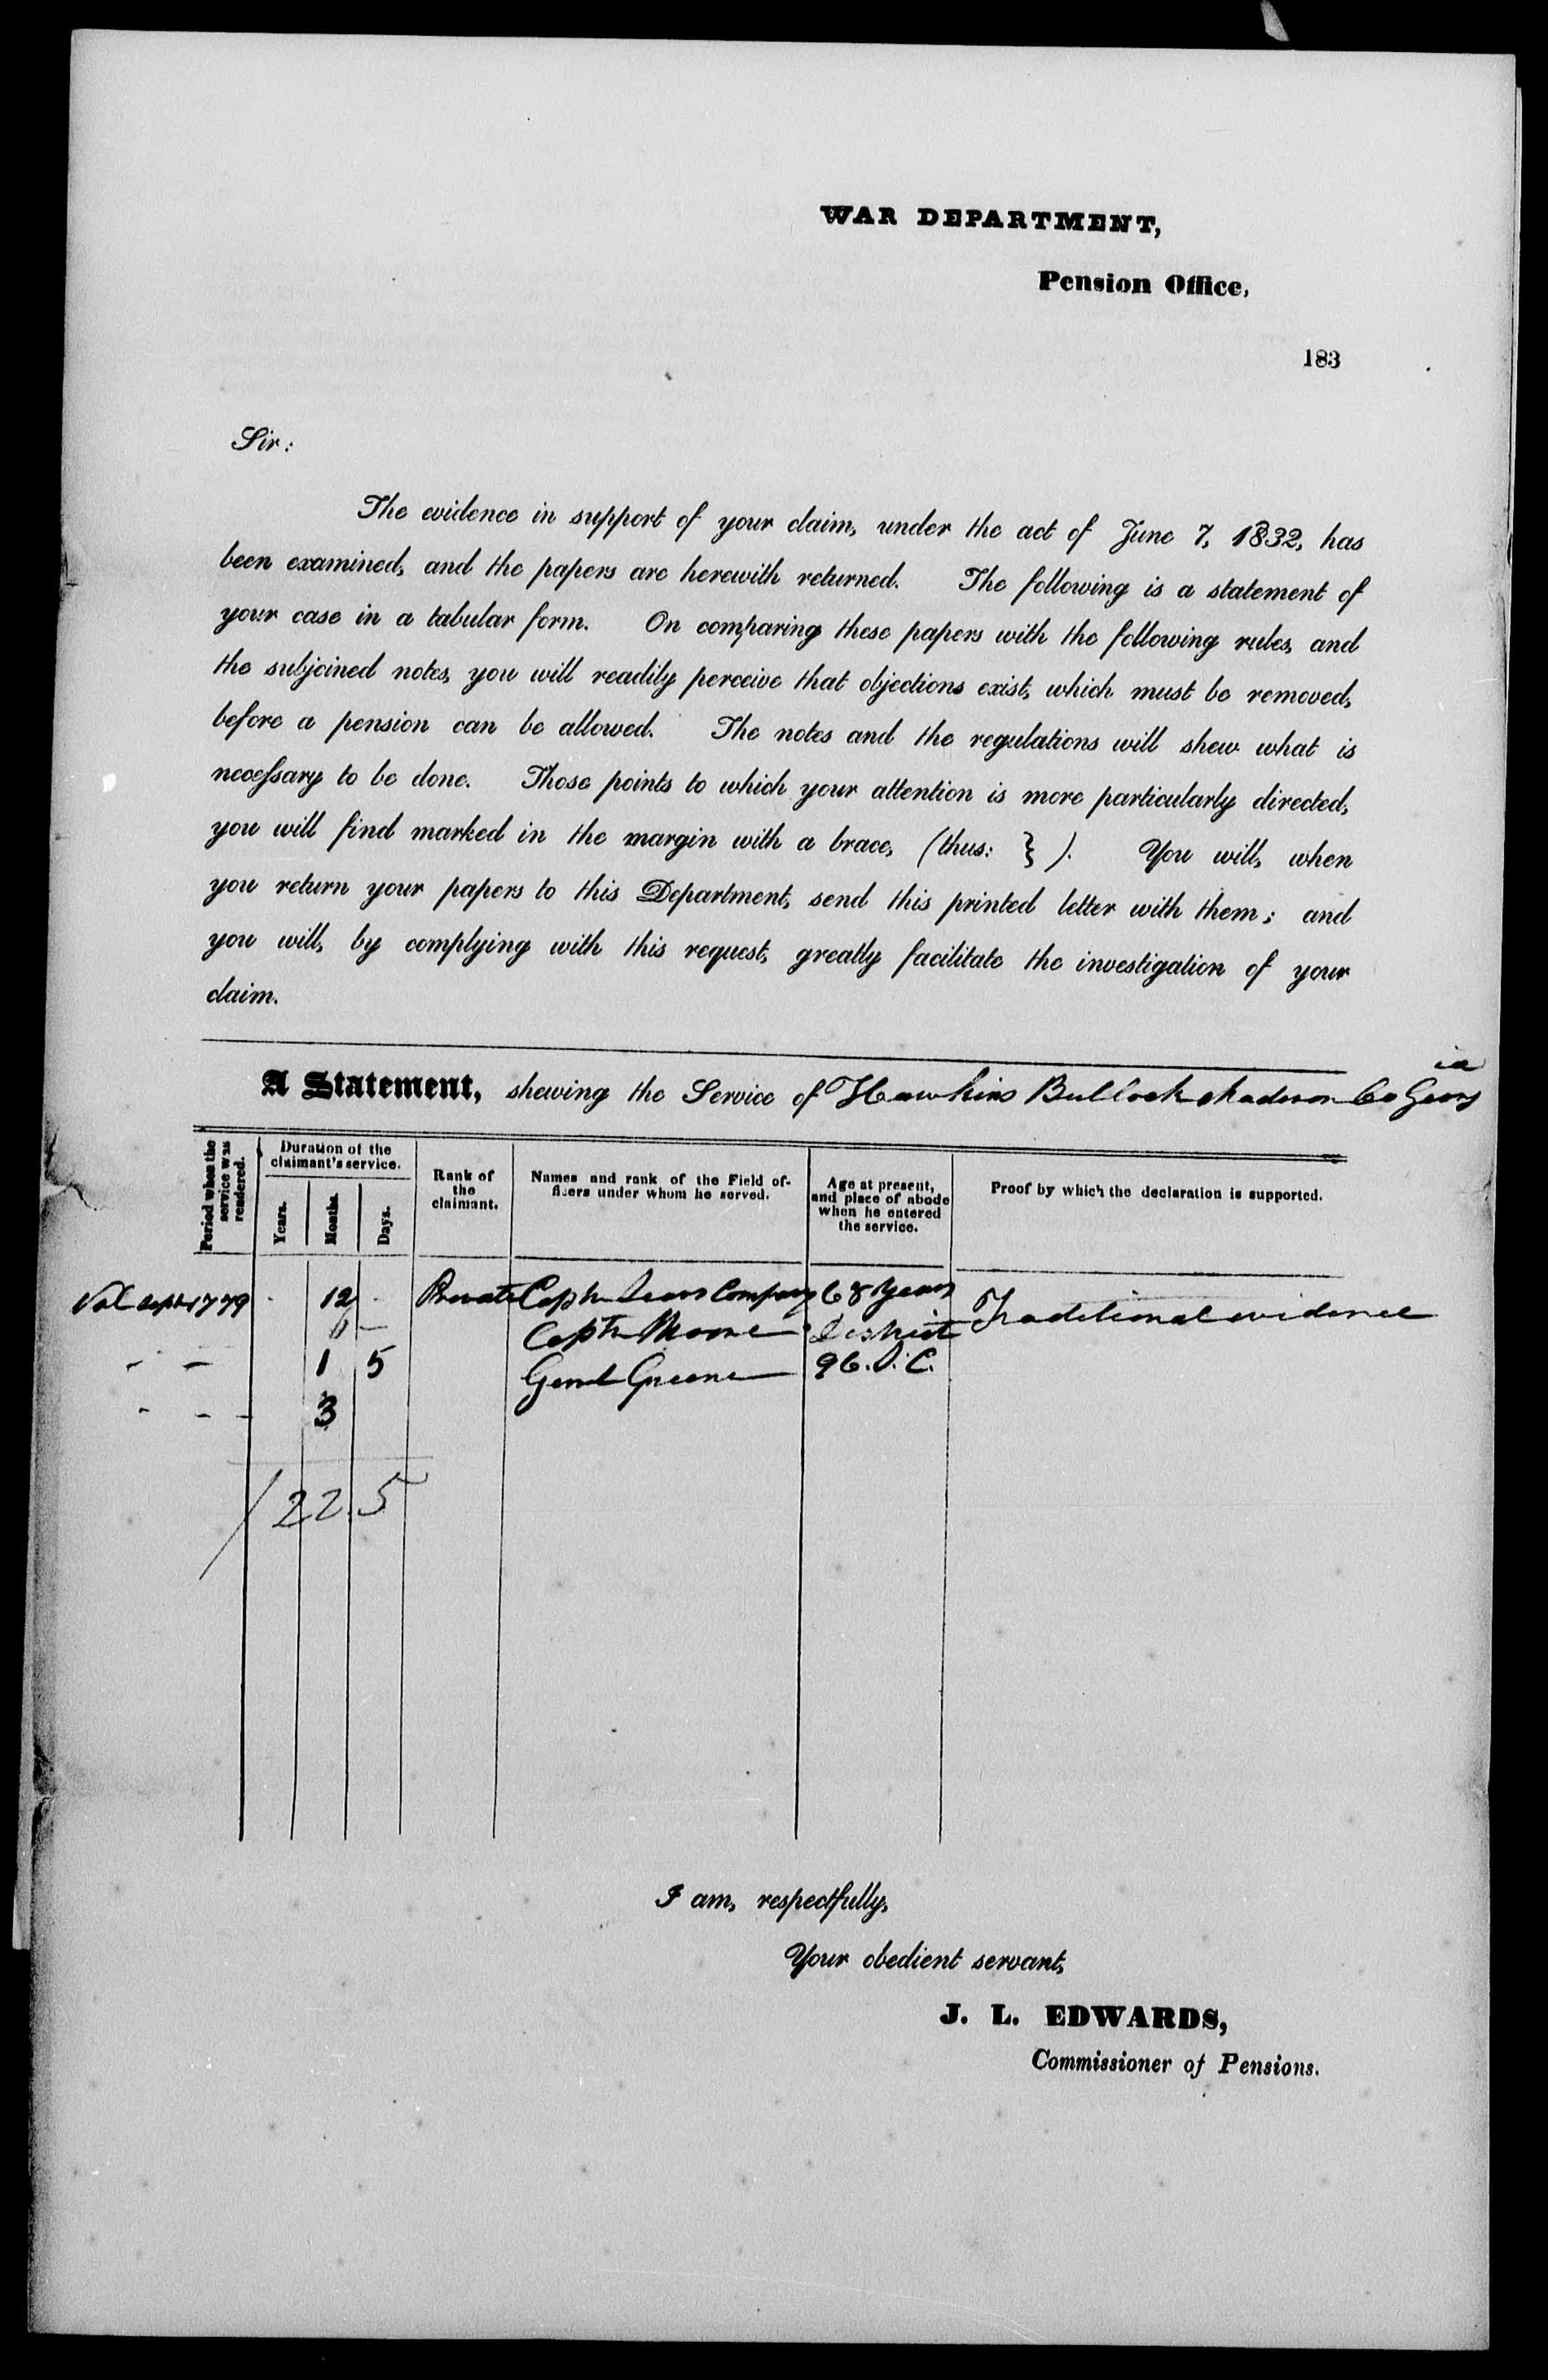WAR DEPARTMENT,
Pension Office,
183

Sir:
The evidence in support of your claim, under the act of June 7, 1832, has been examined, and the papers are herewith returned. The following is a statement of your case in a tabular form. On comparing these papers with the following rules, and the subjoined notes, you will readily perceive that objections exist, which must be removed, before a pension can be allowed. The notes and the regulations will shew what is necessary to be done. Those points to which your attention is more particularly directed, you will find marked in the margin with a brace, (thus: }). You will, when you return your papers to this Department, send this printed letter with them; and you will, by complying with this request, greatly facilitate the investigation of your claim.
A Statement, shewing the Service of Hawkins Bullock Madison Co Georgia
Period when the service was rendered. duration of the claimant's service. Years. Months. Days.
Vol Apr 1779 12 [mos] 
[blank] 6 [mos]
[blank] 1 [mos] 5 [days]
[blank] 3 [mos]
[total] 22 [mos] 5 [days]
Rank of the claimant. Private
Names and rank of the Field officers under whom he served.
Capt Sears Company
Capt Thorne
Genl Greene
Age at present, and place of abode when he entered the service.
68 years District 96 S.C.
Proof by which the declaration is supported. Traditional evidence
I am, respectfully,
Your obedient servant,
J. L. EDWARDS,
Commissioner of Pensions.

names: J L Edwards, Greene, Hawkins Bullock, Moore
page: 8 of 24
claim: survivor's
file: S. 31,586, Hawkins Bullock, S.C.